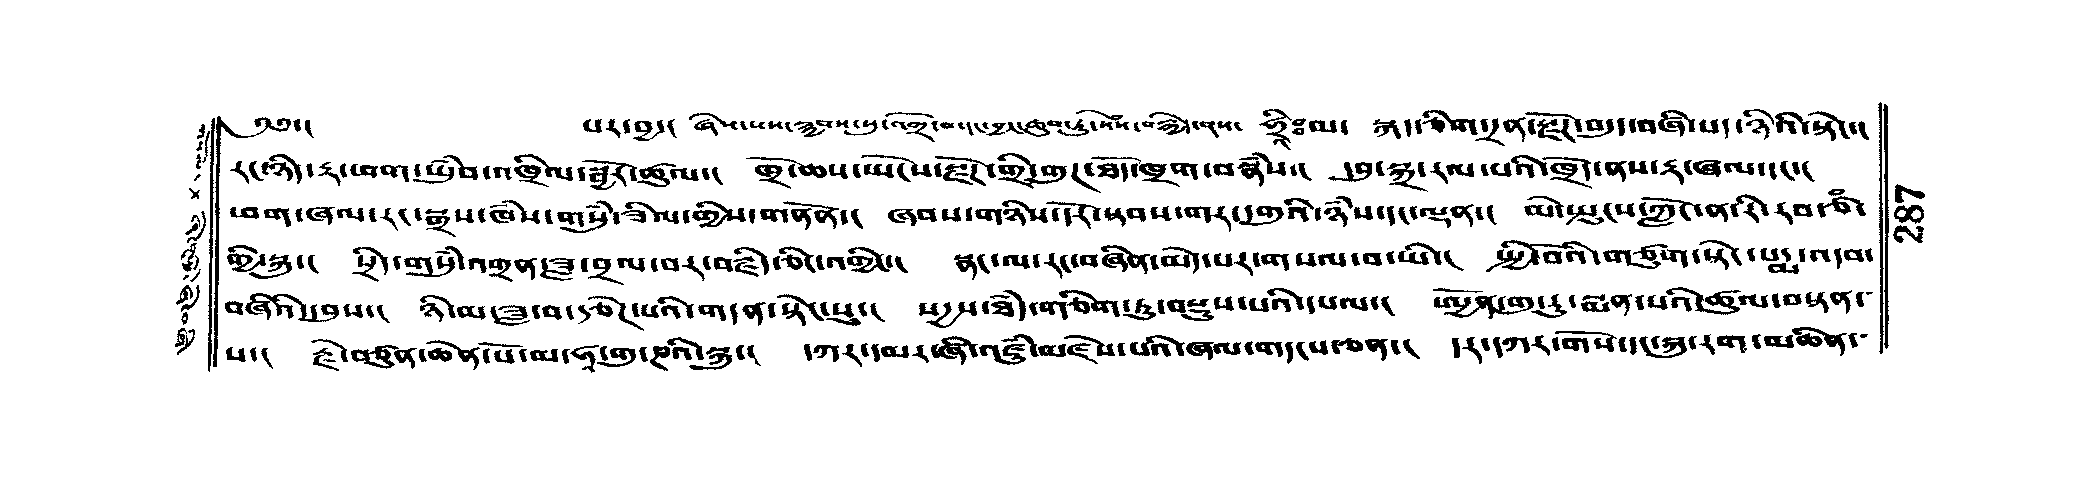པར་བྱ། ཞེས་པས་སྐྱབས་སུ་འགྲོ་བ་དང་བྱང་ཆུབ་ཏུ་སེམས་བསྐྱེད་ནས། ཧྲཱིཿམ། སྐད་ཅིག་དྲན་རྫོགས་བདུད་བཞི་པད་ཉིའི་སྟེང་། །
རང་ཉིད་རྟ་ཕག་ཡབ་ཡུམ་འཁྲིལ་སྦྱོར་ཚུལ། །ཁྲོ་ཆས་ཡོངས་རྫོགས་གྲི་གུག་ཐོད་ཁྲག་བསྣམས། །དབུ་སྐྲ་རལ་པའི་ཁྲོད་ནས་རྟ་ཞལ་དང་། །
ཕག་ཞལ་རང་སྒྲས་ཁམས་གསུམ་ཟིལ་གྱིས་གནོན། །ཞབས་གཉིས་དོར་སྟབས་གར་དགུའི་ཉམས་དང་ལྡན། །མེ་སྤུང་ཀློང་ན་རི་རབ་ཙམ་
གྱི་སྐུ། །སྲིད་གསུམ་འགྲན་ཟླ་བྲལ་བར་བརྗིད་ཅིང་འགྱིང་། །སྣང་ལ་རང་བཞིན་མེད་པར་གསལ་བ་ཡི། །སྤྱི་བོའི་གཙུག་སྟེང་པདྨ་འདབ་
བཞིའི་དབུས། །ཉི་མ་ཟླ་བ་རྩེགས་པའི་གདན་སྟེངས་སུ། །སངས་རྒྱས་ཐམས་ཅད་གཅིག་ཏུ་བསྡུས་པའི་དཔལ། །ཨོ་རྒྱན་གུ་རུ་སྨན་པའི་ཚུལ་བསྟན་
པ། །རྗེ་བཙུན་ཆེན་པོ་མ་ཧཱ་གུ་ཎའི་སྐུ། །དཀར་དམར་ཞི་འཛུམ་མཛེས་པའི་ཞལ་གདངས་ཅན། །དར་དཀར་གོས་དང་སྐུ་རག་མཆིན་